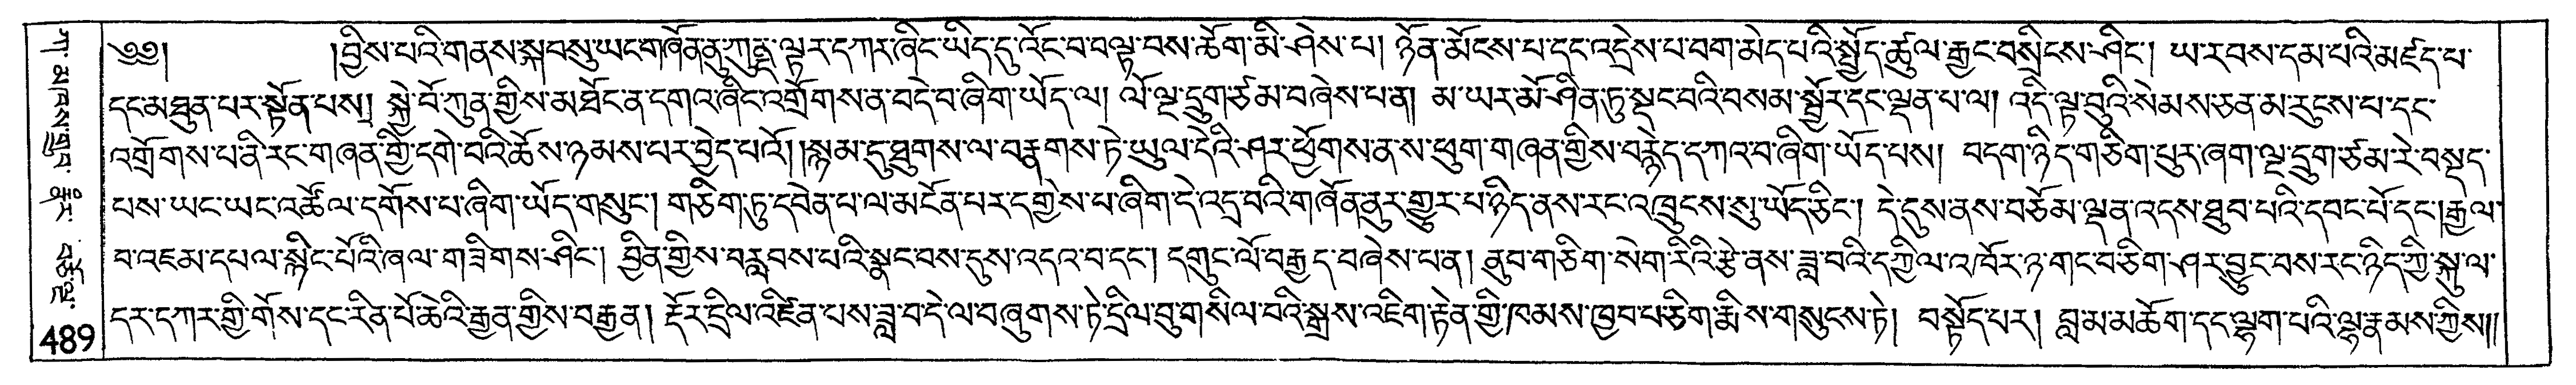༄༅། །བྱིས་པའི་གནས་སྐབས་སུ་ཡང་གཞོན་ནུ་ཀུནྡ་ལྟར་དཀར་ཞིང་ཡིད་དུ་འོང་བ་བལྟ་བས་ཆོག་མི་ཤེས་པ། ཉོན་མོངས་པ་དང་འདྲེས་པ་བག་མེད་པའི་སྤྱོད་ཚུལ་རྒྱང་བསྲིངས་ཤིང་། ཡ་རབས་དམ་པའི་མཛད་པ་
དང་མཐུན་པར་སྟོན་པས། སྐྱེ་བོ་ཀུན་གྱིས་མཐོང་ན་དགའ་ཞིང་འགྲོགས་ན་བདེ་བ་ཞིག་ཡོད་ལ། ལོ་ལྔ་དྲུག་ཙམ་བཞེས་པ་ན། མ་ཡར་མོ་ཤིན་ཏུ་སྡང་བའི་བསམ་སྦྱོར་དང་ལྡན་པ་ལ། འདི་ལྟ་བུའི་སེམས་ཅན་མ་རུངས་པ་དང་
འགྲོགས་པ་ནི་རང་གཞན་གྱི་དགེ་བའི་ཆོས་ཉམས་པར་བྱེད་པའོ། །སྙམ་དུ་ཐུགས་ལ་བརྣགས་ཏེ་ཡུལ་དེའི་ཤར་ཕྱོགས་ན་ས་ཕུག་གཞན་གྱིས་བརྙེད་དཀའ་བ་ཞིག་ཡོད་པས། བདག་ཉིད་གཅིག་པུར་ཞག་ལྔ་དྲུག་ཙམ་རེ་བསྡད་
པས་ཡང་ཡང་འཚོལ་དགོས་པ་ཞིག་ཡོད་གསུང་། གཅིག་ཏུ་དབེན་པ་ལ་མངོན་པར་དགྱེས་པ་ཞིག་དེ་འདྲ་བའི་གཞོན་ནུར་གྱུར་པ་ཉིད་ནས་རང་འཁྲུངས་སུ་ཡོད་ཅིང་། དེ་དུས་ནས་བཅོམ་ལྡན་འདས་ཐུབ་པའི་དབང་པོ་དང་། རྒྱལ་
བ་འཇམ་དཔལ་སྙིང་པོའི་ཞལ་གཟིགས་ཤིང་། བྱིན་གྱིས་བརླབས་པའི་སྣང་བས་དུས་འདའ་བ་དང་། དགུང་ལོ་བརྒྱད་བཞེས་པ་ན། ནུབ་གཅིག་སེག་རིའི་རྩེ་ནས་ཟླ་བའི་དཀྱིལ་འཁོར་ཉ་གང་བ་ཅིག་ཤར་བྱུང་བས་རང་ཉིད་ཀྱི་སྐུ་ལ་
དར་དཀར་གྱི་གོས་དང་རིན་པོ་ཆེའི་རྒྱན་གྱིས་བརྒྱན། རྡོར་དྲིལ་འཛིན་པས་ཟླ་བ་དེ་ལ་བཞུགས་ཏེ་དྲིལ་བུ་གསིལ་བའི་སྒྲས་འཇིག་རྟེན་གྱི་ཁམས་ཁྱབ་པ་ཅིག་རྨིས་གསུངས་ཏེ། བསྟོད་པར། བླ་མ་མཆོག་དང་ལྷག་པའི་ལྷ་རྣམས་ཀྱིས། །